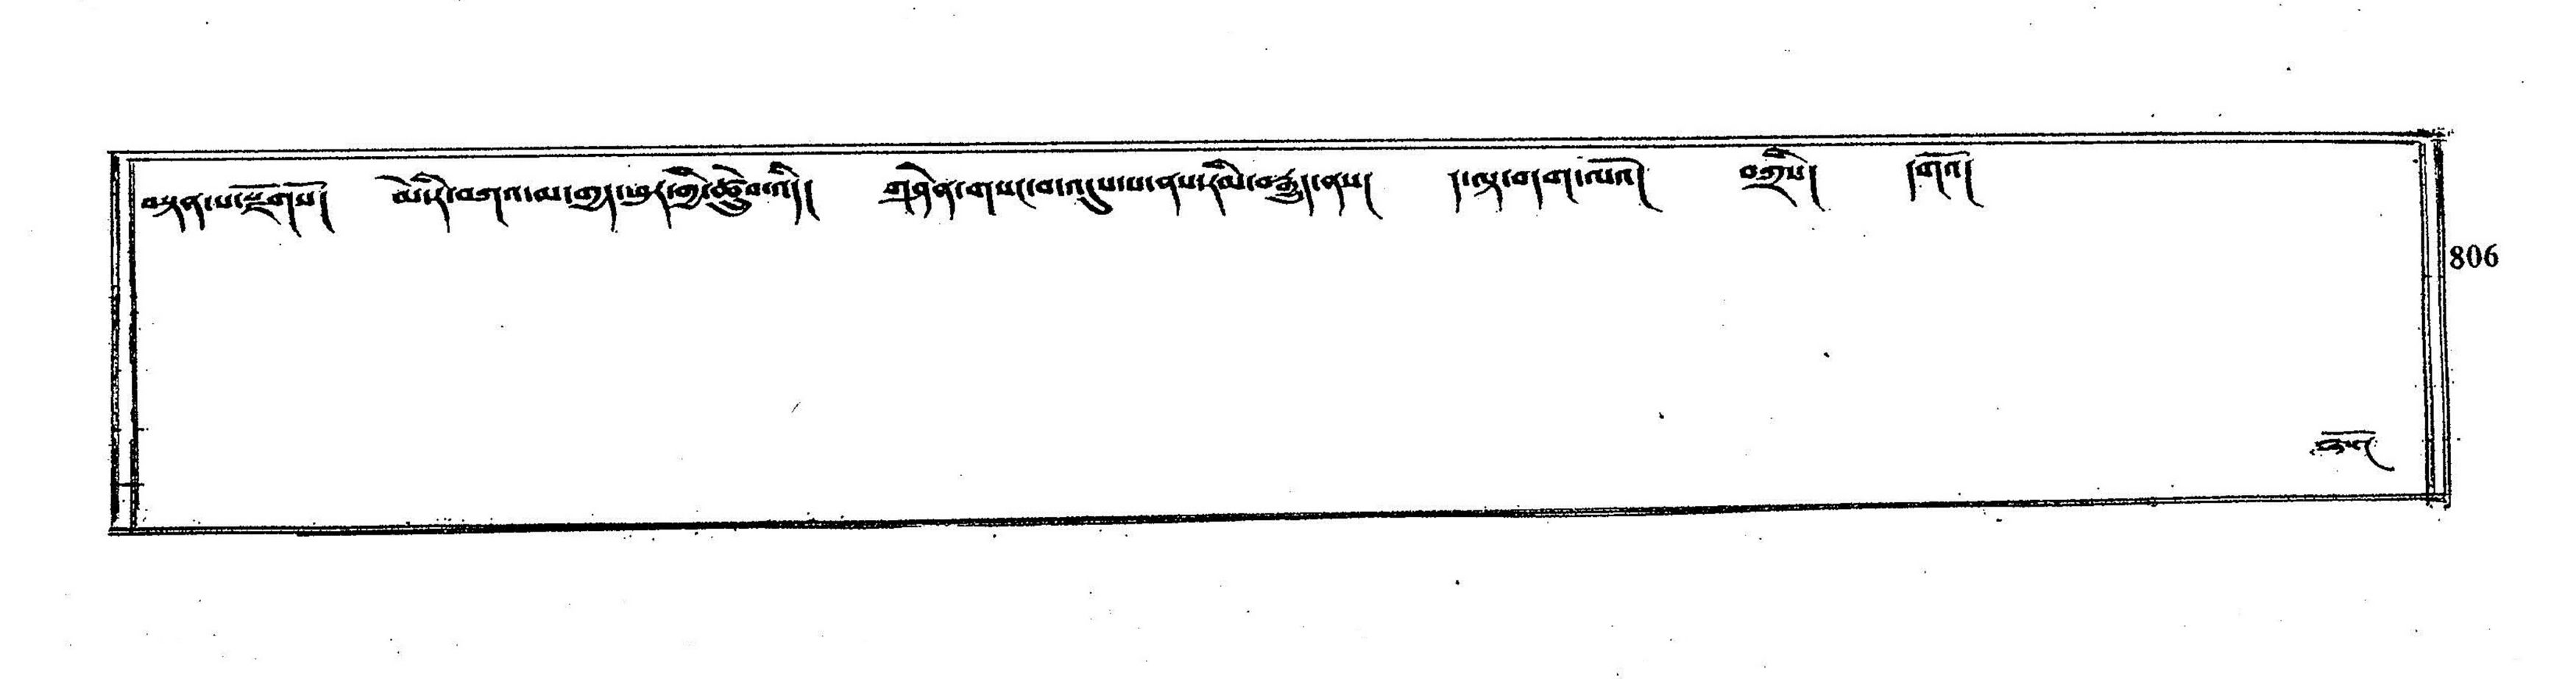བསྟན་པ་རྫོགས་སོ། །མེ་རི་བཀའ་མ་གྱད་ཕུར་གྱི་ཚེ་སྒྲུབ་འདི། གཤེན་གསང་བ་འདུས་པ་ནས་རིམ་བརྒྱུད་ནས། ད་ལྟ་བདག་ལའོ། བཀྲ་ཤིས། དགེའོ། །